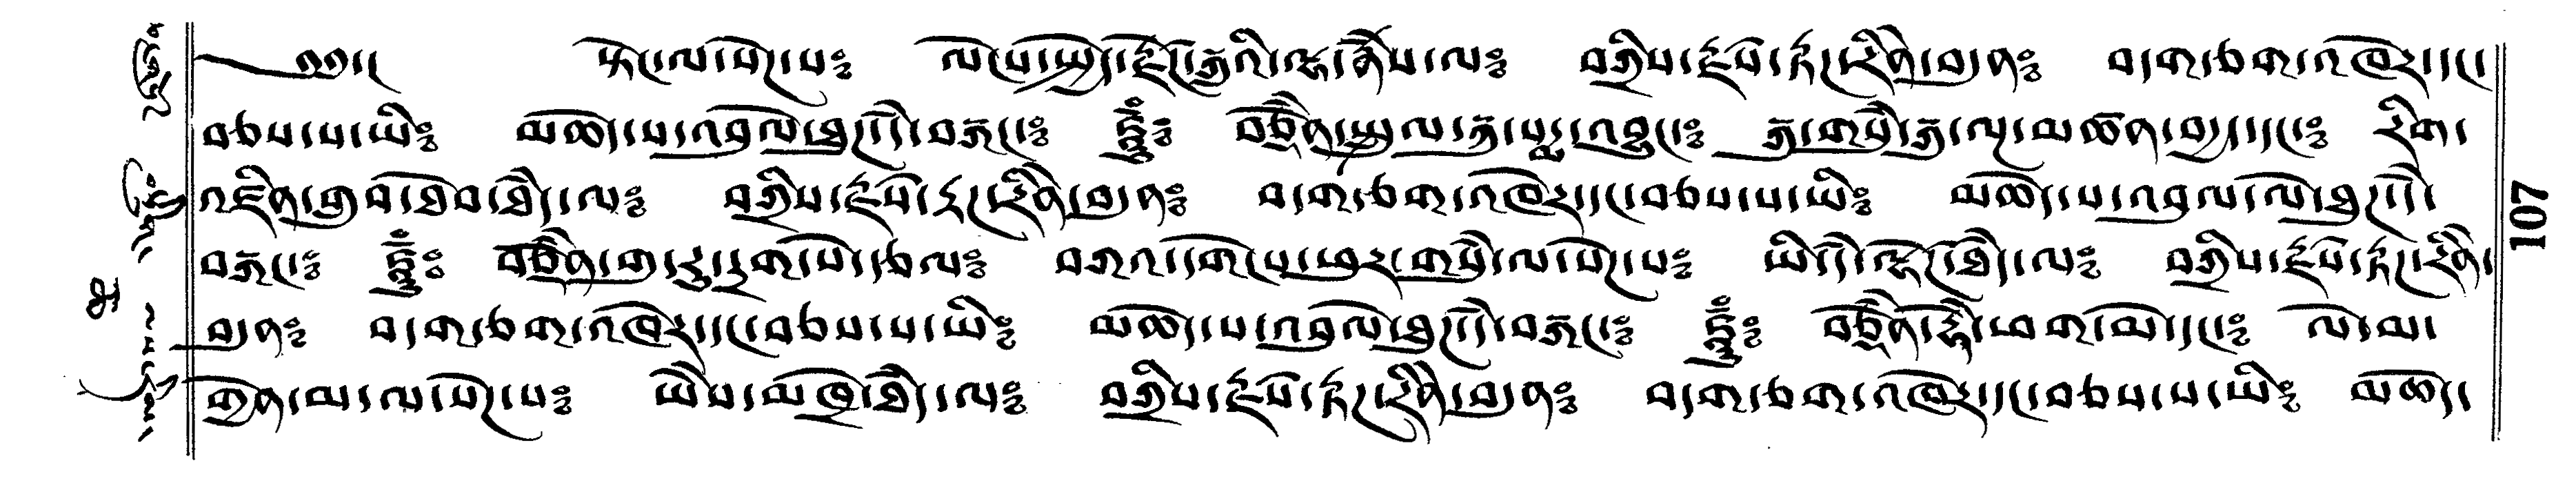སྟོང་ལ་སོགས་པ༔ ལོངས་སྤྱོད་རྫོགས་སྐུའི་ལྷ་རྣམས་ལ༔ བཀྲ་ཤིས་རྫས་རྟགས་རིན་ཆེན་བདུན༔ བདག་ཅག་འཁོར་དང་
བཅས་པ་ཡི༔ མཆོད་པ་འབུལ་ལོ་ཐུགས་དམ་བསྐང༔ ཧཱུྃ༔ བཅོམ་ལྡན་སྤྲུལ་སྐུ་པདྨ་འབྱུང༔ སྐུ་གསུམ་སྐུ་ལྔ་མཚན་བརྒྱད་དང༔ རིག་
འཛིན་གྲུབ་ཐོབ་ཐམས་ཅད་ལ༔ བཀྲ་ཤིས་རྫས་རྟགས་རིན་ཆེན་བདུན༔ བདག་ཅག་འཁོར་དང་བཅས་པ་ཡི༔ མཆོད་པ་འབུལ་ལོ་ཐུགས་དམ་
བསྐང༔ ཧཱུྃ༔ བཅོམ་ལྡན་གུ་རུ་དྲག་པོ་རྩལ༔ བཀའ་དགོངས་ཕུར་གསུམ་ལ་སོགས་པ༔ ཡི་དམ་ལྷ་ཚོགས་ཐམས་ཅད་ལ༔ བཀྲ་ཤིས་རྫས་རྟགས་རིན་ཆེན་
བདུན༔ བདག་ཅག་འཁོར་དང་བཅས་པ་ཡི༔ མཆོད་པ་འབུལ་ལོ་ཐུགས་དམ་བསྐང༔ཧཱུྃ༔ བཅོམ་ལྡན་རྡོ་རྗེ་ཕག་མོ་དང༔ ལོ་མ་
གྱོན་མ་ལ་སོགས་པ༔ ཡེ་ཤེས་མཁའ་འགྲོ་ཐམས་ཅད་ལ༔ བཀྲ་ཤིས་རྫས་རྟགས་རིན་ཆེན་བདུན༔ བདག་ཅག་འཁོར་དང་བཅས་པ་ཡི༔ མཆོད་